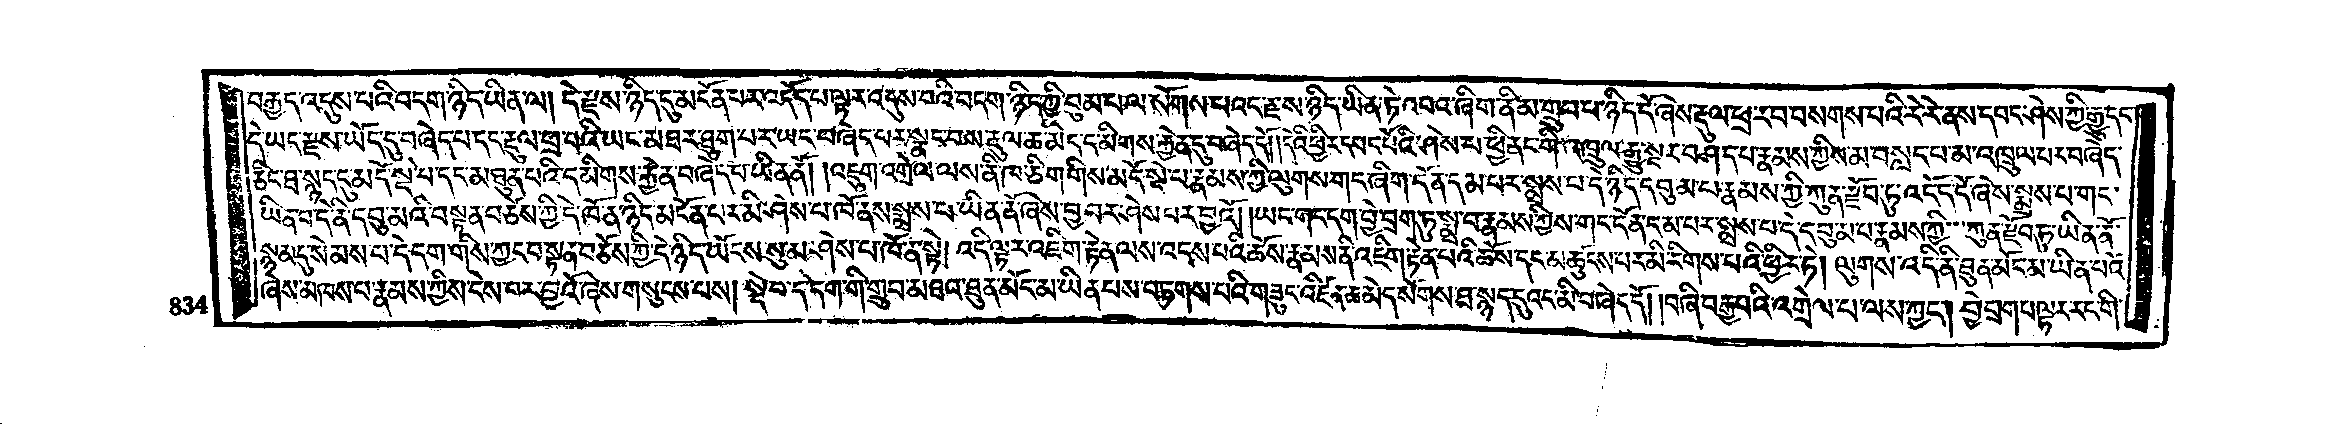བརྒྱད་འདུས་པའི་བདག་ཉིད་ཡིན་ལ། དེ་རྫས་ཉིད་དུ་མངོན་པར་འདོད་པ་ལྟར་འདུས་པའི་བདག་ཉིད་ཀྱི་བུམ་པ་ལ་སོགས་པའང་རྫས་ཉིད་ཡིན་ཏེ་འབའ་ཞིག་ནི་མ་གྲུབ་པ་ཉིད་དོ་ཞེས་རྡུལ་ཕྲ་རབ་བསགས་པའི་རེ་རེ་ནས་དབང་ཤེས་ཀྱི་རྒྱུ་དང་
དེ་ཡང་རྫས་ཡོད་དུ་བཞེད་པ་དང་རྡུལ་ཕྲ་བའི་ཡང་མཐར་ཐུག་པར་ཡང་བཞེད་པར་སྣང་བས་རྡུལ་ཆ་མེད་དམིགས་རྐྱེན་དུ་བཞེད་དོ། །དེའི་ཕྱིར་དབང་པོའི་ཤེས་པ་ཕྱི་ནང་གི་འཁྲུལ་རྒྱུ་སྔར་བཤད་པ་རྣམས་ཀྱིས་མ་བསླད་པ་མ་འཁྲུལ་བར་བཞེད་
ཅིང་ཐ་སྙད་དུ་མདོ་སྡེ་པ་དང་མཐུན་པའི་དམིགས་རྐྱེན་བཞེད་པ་ཡིན་ནོ། །འཇུག་འགྲེལ་ལས་ནི་ཁ་ཅིག་གིས་མདོ་སྡེ་པ་རྣམས་ཀྱི་ལུགས་གང་ཞིག་དོན་དམ་པར་སྨྲས་པ་དེ་ཉིད་དབུ་མ་པ་རྣམས་ཀྱི་ཀུན་རྫོབ་ཏུ་འདོད་དོ་ཞེས་སྨྲས་པ་གང་
ཡིན་པ་དེ་ནི་དབུ་མའི་བསྟན་བཅོས་ཀྱི་དེ་ཁོ་ན་ཉིད་མངོན་པར་མི་ཤེས་པ་ཁོ་ནས་སྨྲས་པ་ཡིན་ནོ་ཞེས་བྱ་བར་ཤེས་པར་བྱའོ། །ཡང་གང་དག་བྱེ་བྲག་ཏུ་སྨྲ་བ་རྣམས་ཀྱིས་གང་དོན་དམ་པར་སྨྲས་པ་དེ་དབུ་མ་པ་རྣམས་ཀྱི་ཀུན་རྫོབ་ཏུ་ཡིན་ནོ་
སྙམ་དུ་སེམས་པ་དེ་དག་གིས་ཀྱང་བསྟན་བཅོས་ཀྱི་དེ་ཉིད་ཡོངས་སུ་མ་ཤེས་པ་ཁོ་ན་སྟེ། འདི་ལྟར་འཇིག་རྟེན་ལས་འདས་པའི་ཆོས་རྣམས་ནི་འཇིག་རྟེན་པའི་ཆོས་དང་མཚུངས་པར་མི་རིགས་པའི་ཕྱིར་ཏེ། ལུགས་འདི་ནི་ཐུན་མོང་མ་ཡིན་པའོ་
ཞེས་མཁས་པ་རྣམས་ཀྱིས་ངེས་པར་བྱའོ་ཞེས་གསུངས་པས། སྡེ་པ་དེ་དག་གི་གྲུབ་མཐའ་ཐུན་མོང་མ་ཡིན་པས་བཏགས་པའི་གཟུང་འཛིན་ཆ་མེད་སོགས་ཐ་སྙད་དུའང་མི་བཞེད་དོ། །བཞི་བརྒྱ་པའི་འགྲེལ་པ་ལས་ཀྱང་། བྱེ་བྲག་པ་ལྟར་རང་གི་